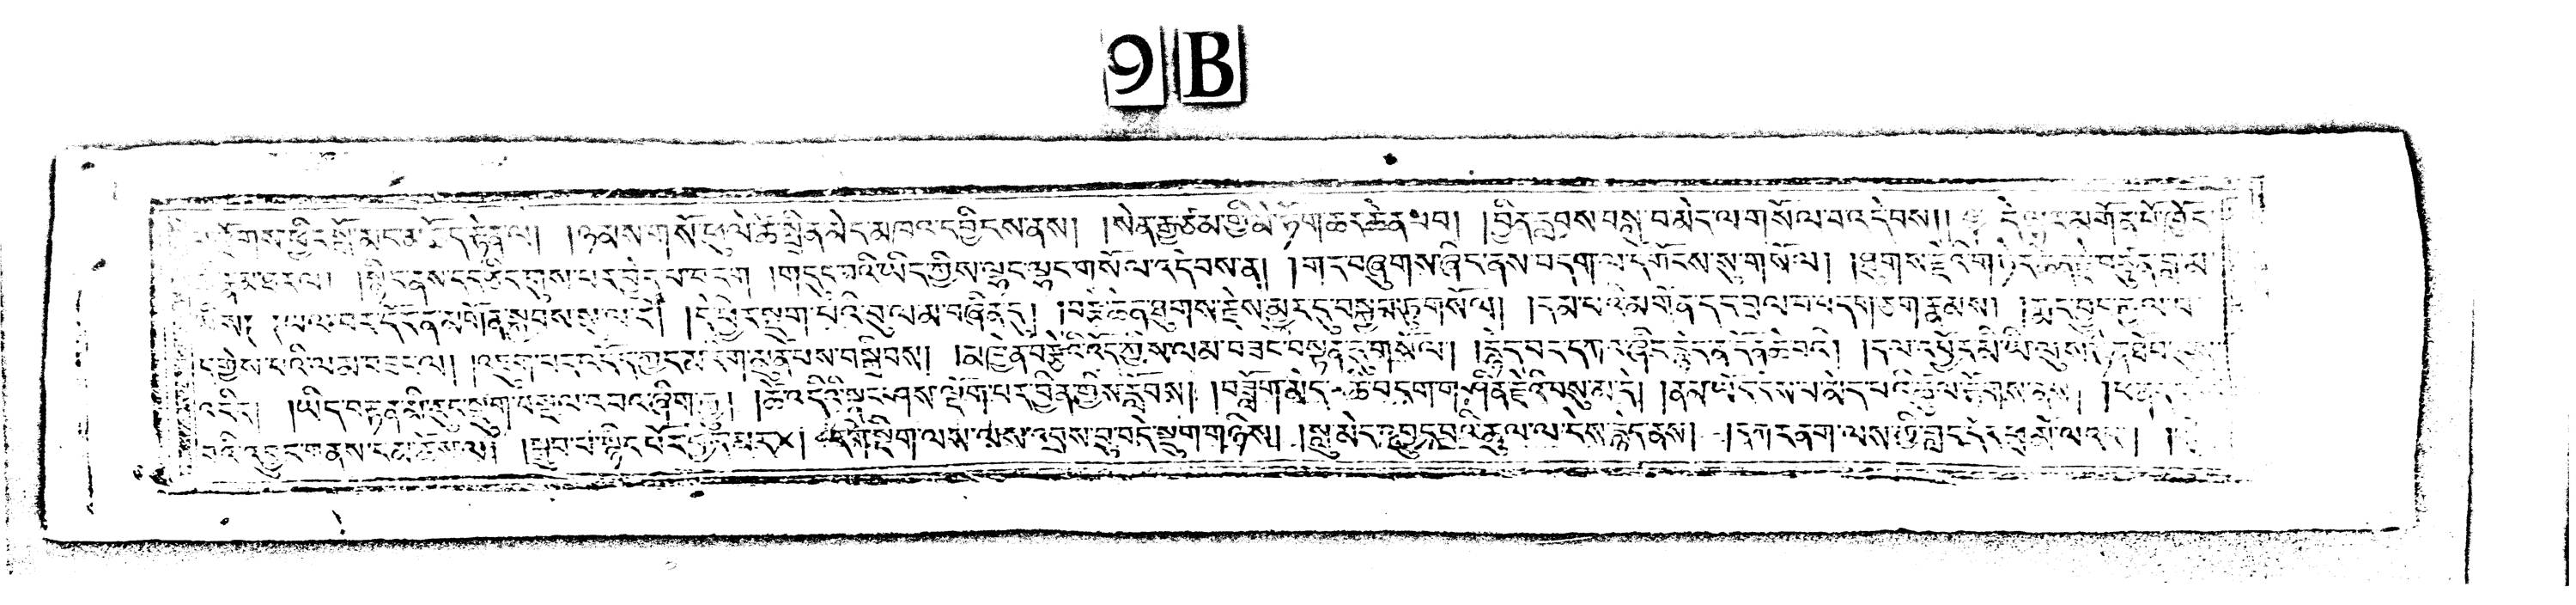པ་རྫོགས་ཕྱིར་སྒོ་མང་མཆོད་རྟེན་ལ། །ཉམས་གསོ་ཕུལ་ཚེ་སྤྲིན་མེད་མཁའ་དབྱིངས་ནས། །སེན་རྒྱ་ཙམ་གྱི་མེ་ཏོག་ཆར་ཆེན་ཕབ། །བྱིན་རླབས་བསླུ་བ་མེད་ལ་གསོལ་བ་འདེབས།། ༈ དེ་ལྟར་མགོན་པོ་ཁྱོད་
ཀྱི་རྣམ་ཐར་ལ། །སྙིང་ནས་དད་ཅིང་གུས་པར་བྱེད་པ་བདག །གདུང་བའི་ཡིད་ཀྱིས་ལྷང་ལྷང་གསོལ་འདེབས་ན། །གར་བཞུགས་ཞིང་ནས་བདག་ལ་དགོངས་སུ་གསོལ། །ཐུགས་རྗེའི་གཏེར་ཆེན་རྗེ་བཙུན་བླ་མ་
ཡིས། །ཡལ་བར་དོར་ན་མགོན་སྐྱབས་སུ་ལ་རེ། །དེ་ཕྱིར་སྡུག་པའི་བུ་ལ་མ་བཞིན་དུ། །བརྩེ་ཆེན་ཐུགས་རྗེས་མྱུར་དུ་བསྐྱབ་ཏུ་གསོལ། །དམ་པའི་མགོན་དང་བྲལ་བ་བདག་ཅག་རྣམས། །རྨད་བྱུང་རྒྱལ་བ་
དགྱེས་པའི་ལམ་བཟང་ལ། །འཇུག་པར་འདོད་ཀྱང་མ་རིག་མུན་པས་བསྒྲིབས། །མཁྱེན་བརྩེའི་འོད་ཀྱིས་ལམ་བཟང་བསྟན་དུ་གསོལ། །རྙེད་པར་དཀའ་ཞིང་རྙེད་ན་དོན་ཆེ་བའི། །དལ་འབྱོར་མི་ཡི་ལུས་རྟེན་ཐོབ་དུས་
འདིར། །ཡིད་བརྟན་མི་རུང་སྡུག་བསྔལ་འབའ་ཞིག་རྒྱུ། །ཚེ་འདིའི་སྣང་ཤས་ལྡོག་པར་བྱིན་གྱིས་རློབས། །བཟློག་མེད་འཆི་བདག་གཤིན་རྗེའི་བསུ་མ་དེ། །ནམ་ཡོང་ངེས་པ་མེད་པའི་ཚུལ་རྟོགས་ནས། །ཕན་དང་བདེ་
བའི་འབྱུང་གནས་དམ་ཆོས་ལ། །སྒྲུབ་པ་སྙིང་པོར་བྱེད་པར་྾། དགེ་སྡིག་ལས་ལས་འབྲས་བུ་བདེ་སྡུག་གཉིས། །སླུ་མེད་འབྱུང་བའི་ཚུལ་ལ་ངེས་རྙེད་ནས། །དཀར་ནག་ལས་ཀྱི་བླང་དོར་ཕྲ་མོ་ལའང་། །བརྩོན་